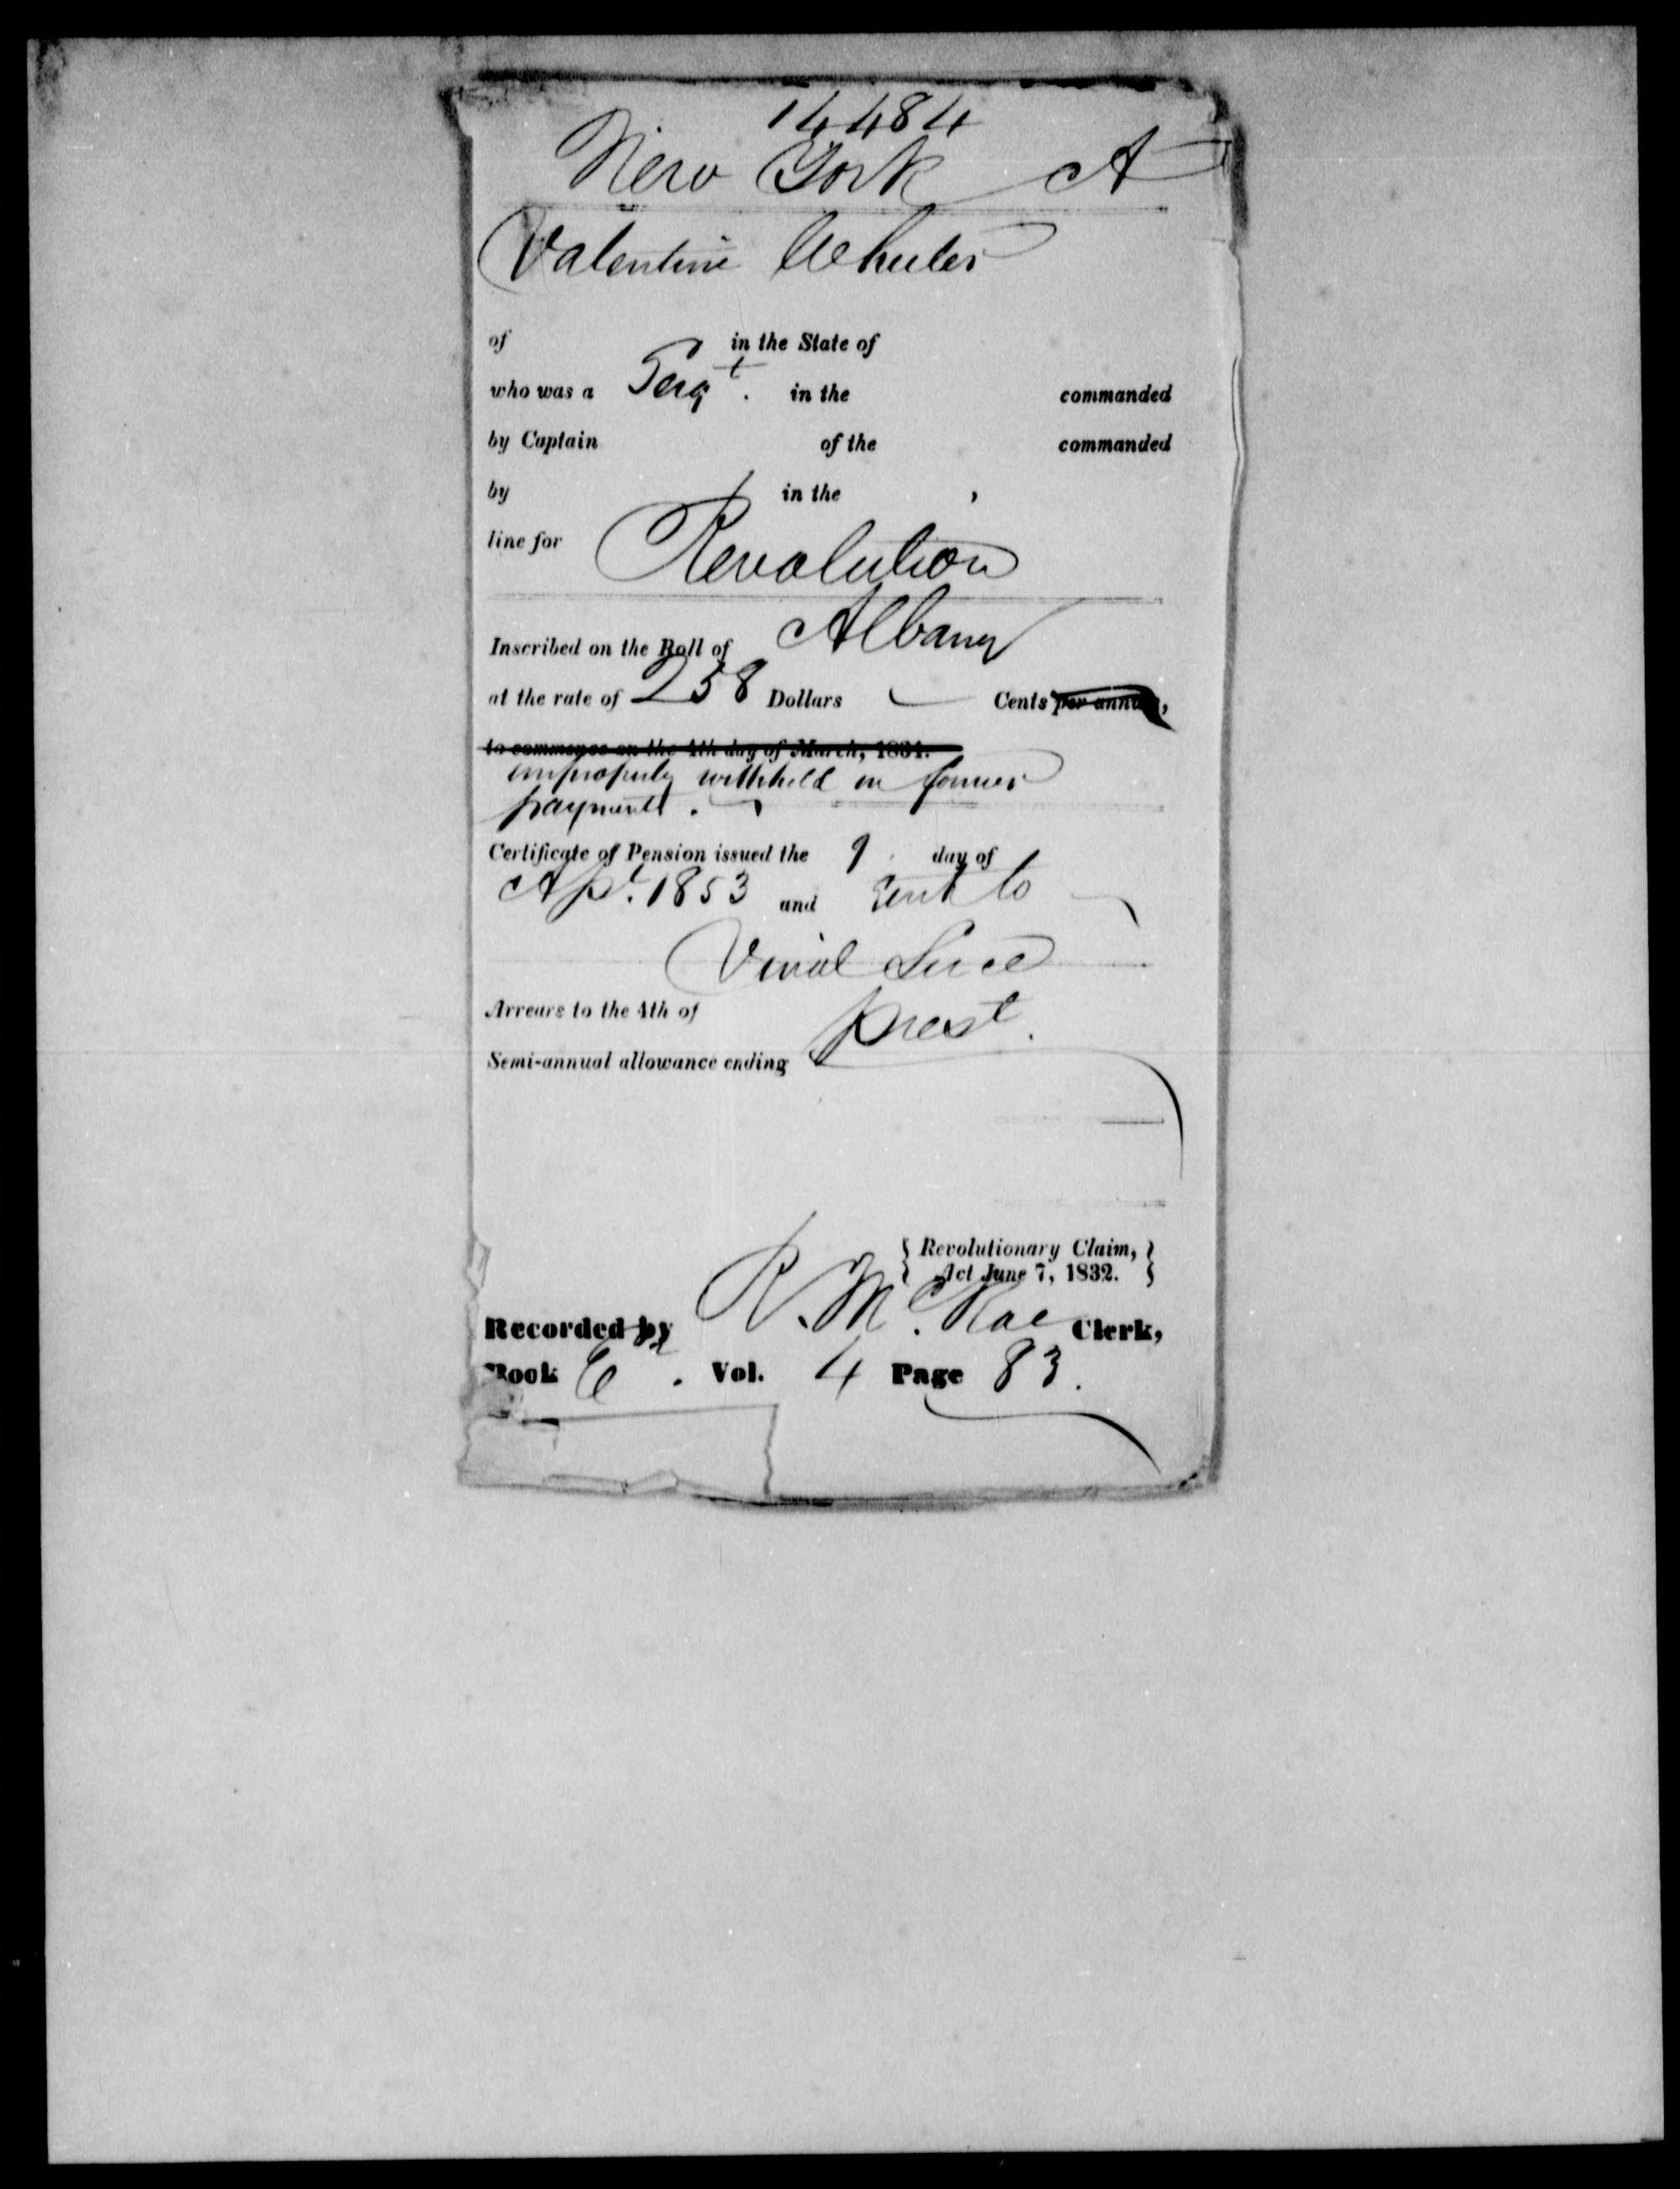14484
New York A
Valentine Wheeler
of in the State of
who was a Sergt. in the.......... commanded
by Captain......... of the......... commanded
by............ in the..........
line for Revolution

Inscribed on the Roll of Albany
at the rate of 258 Dollars - Cents 
improperly withheld in former
payment.
Certificate of Pension issued the 9 day of
Apr. 1853 and Sent to
Vinal Luce
Prest.
Arrears to the 4th of .
Semi-annual allowance ending

Revolutionary Claim,
Act June 7, 1832

Recorded by R. McRae Clerk,
Book E, Vol. 4, Page 83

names: R Mc Rae, Vinal Luce, Valentine Wheeler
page: 40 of 98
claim: widow's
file: W. 1682, Valentine Wheeler, Mass.